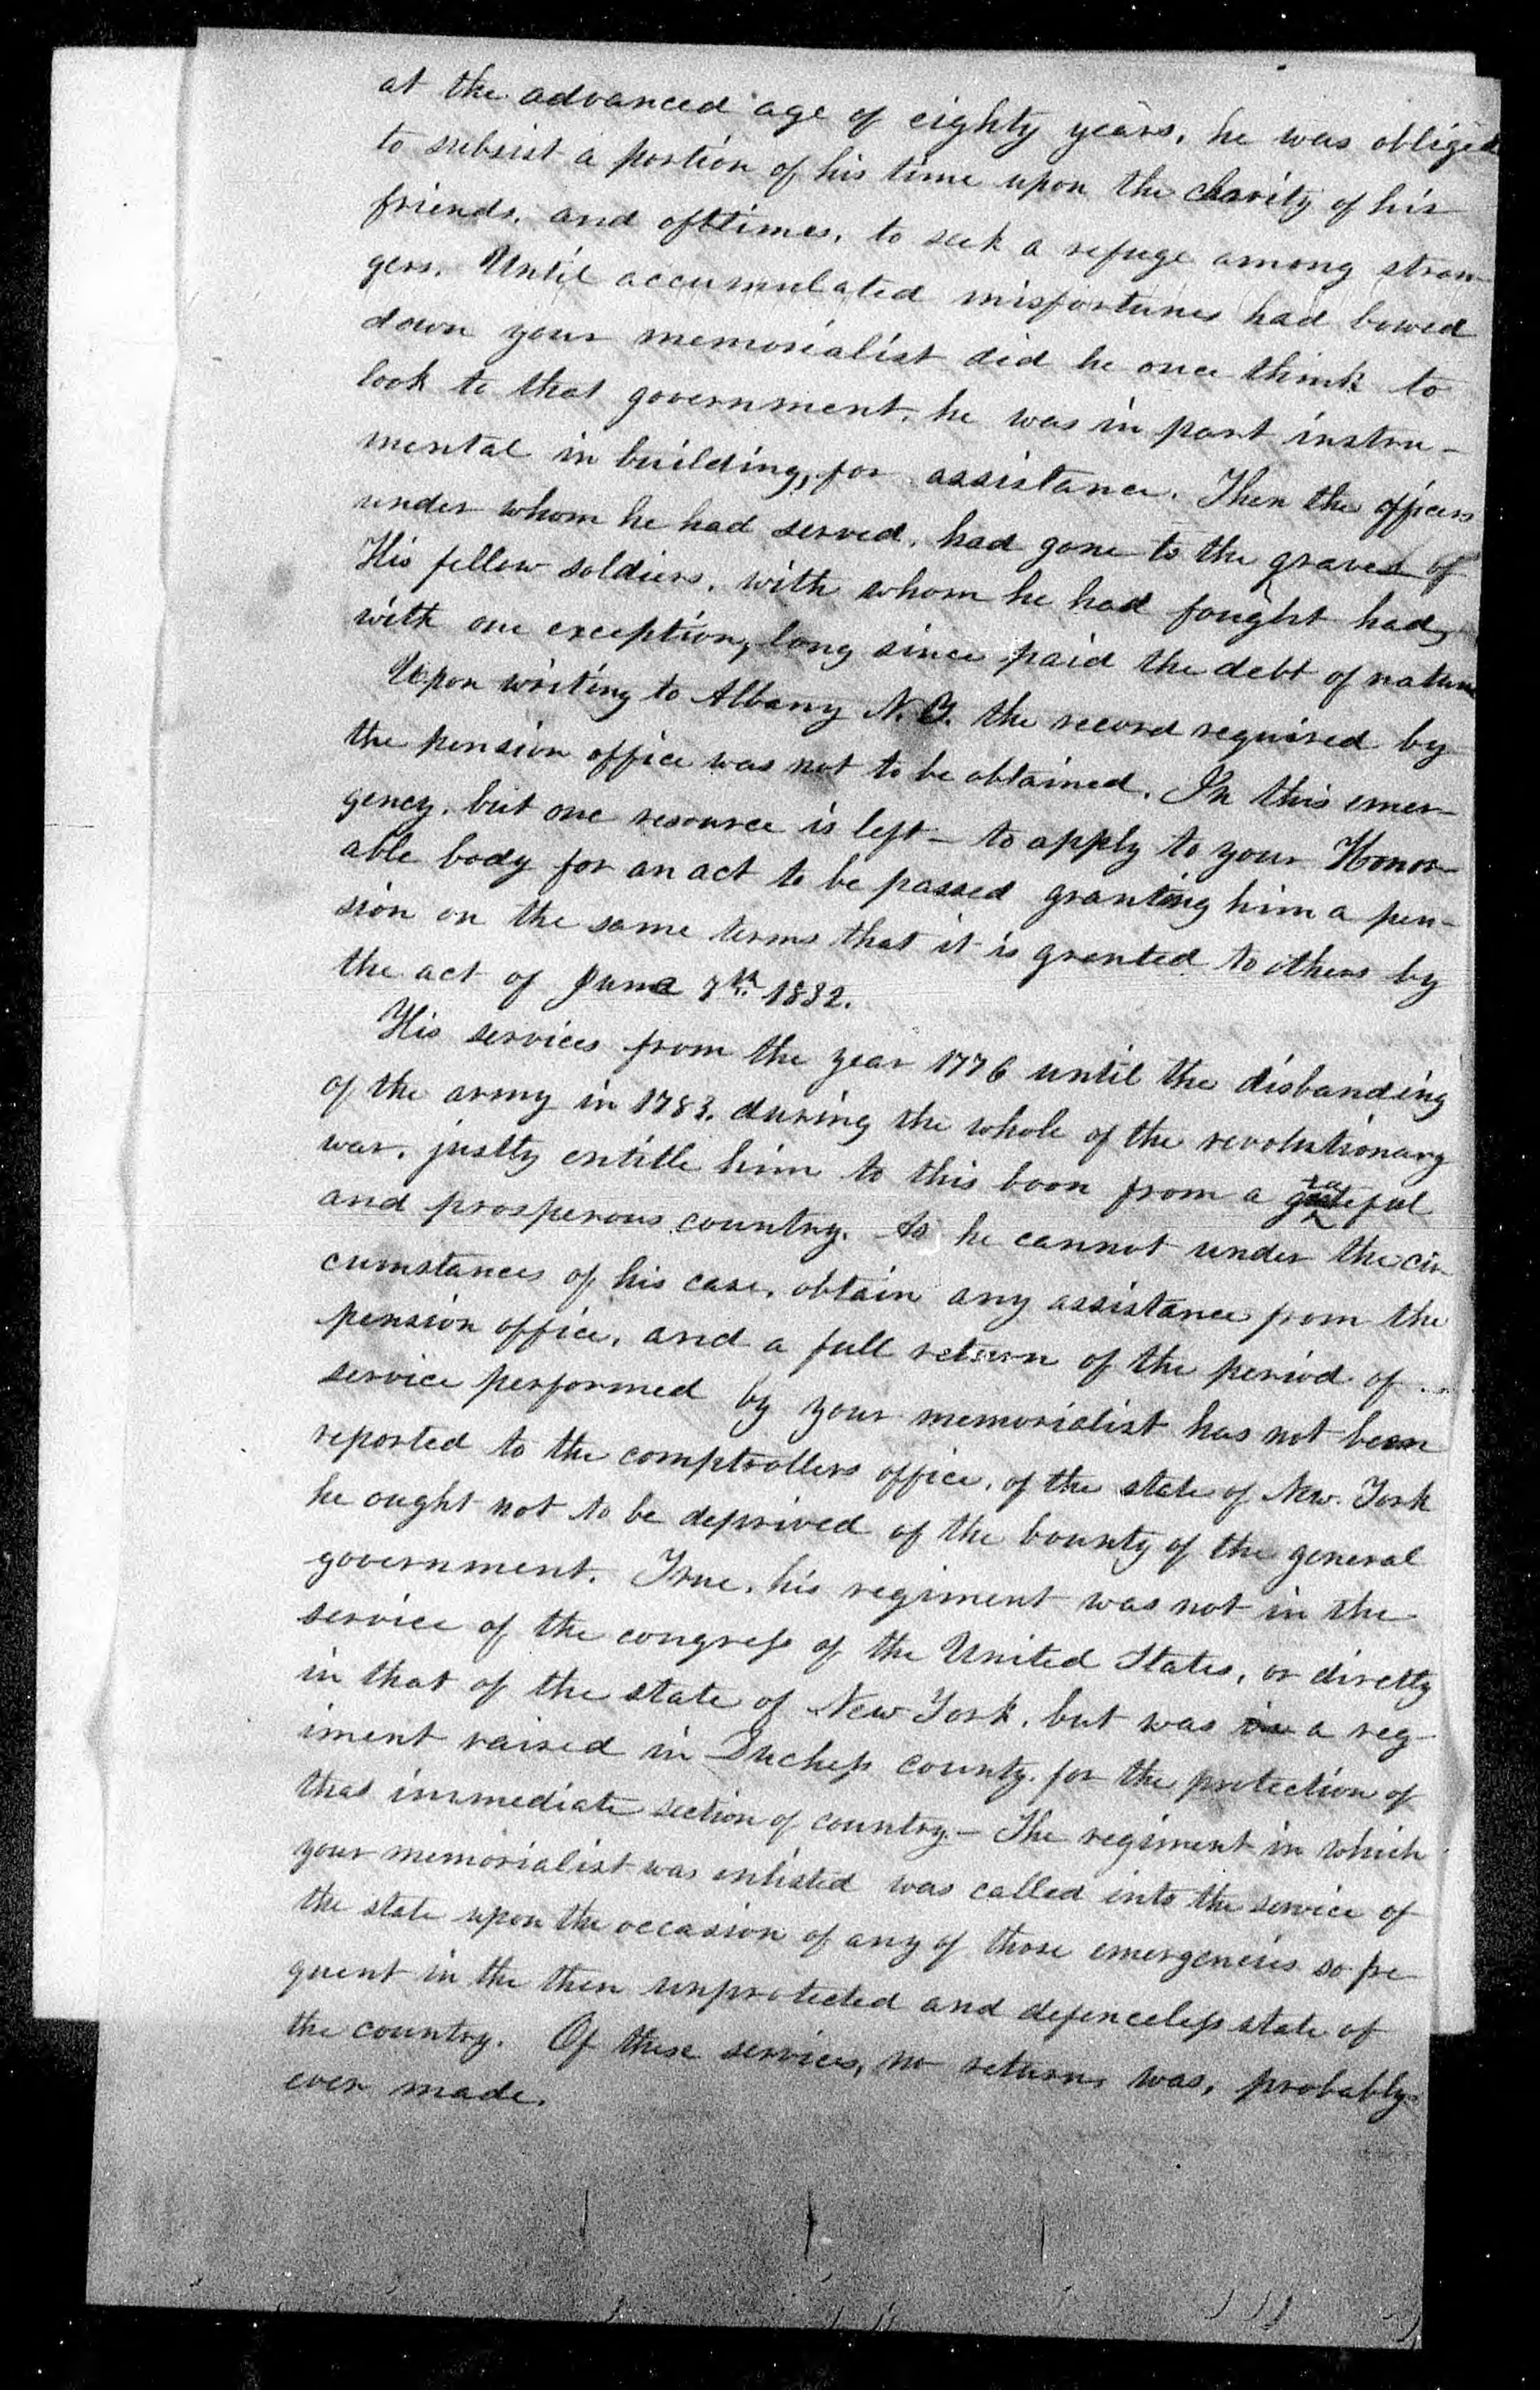at the advanced age of eighty years, he was obliged to subsist a portion of his time upon the charity of his friends, and ofttime, to seek a refuge among strangers. Until accumulated misfortunes had bowed down your memorialist did he once think to look to that government he was in part instrumental in building, for assistance. Then the officers under whom he has served, had gone to the graves of his fellow soldiers, with whom he had fought had, with one exception, long since paid the debt of nations.
Upon writing to Albany N.Y. the record required by the pension office was not to be obtained. In this emergency, but one resource is left - to apply to your Honorable body for an Act to be passed granting him a pension on the same terms that it is granted to others in the Act of June 7th 1832.
His services from the year 1776 until the disbanded of the army in 1783, during the whole of the revolutionary war justly entitle him to this boon from a grateful and prosperous country. As he cannot under the circumstances of his case obtain any assistance from the pension office, and a full section of the period of service performed by your memorialist has not been reported to the comptrollers office of the state of New York, he ought not to be deprived of the bounty of the general government. Gone, his regiment was not in the service of the congress of the United States, or directly in that of the state of New York, but was a regiment raised in Dutchess county for the protection of the immediate section of country- the regiment in which your memorialist was enlisted was called into the service of the state upon the occasion of any of those emergencies.   So [illegible] in the then unprotected and defenceless state of the country. Of these services, no returns was probably ever made.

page: 17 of 66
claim: rejected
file: R. 4298, Samuel Gregory, New York